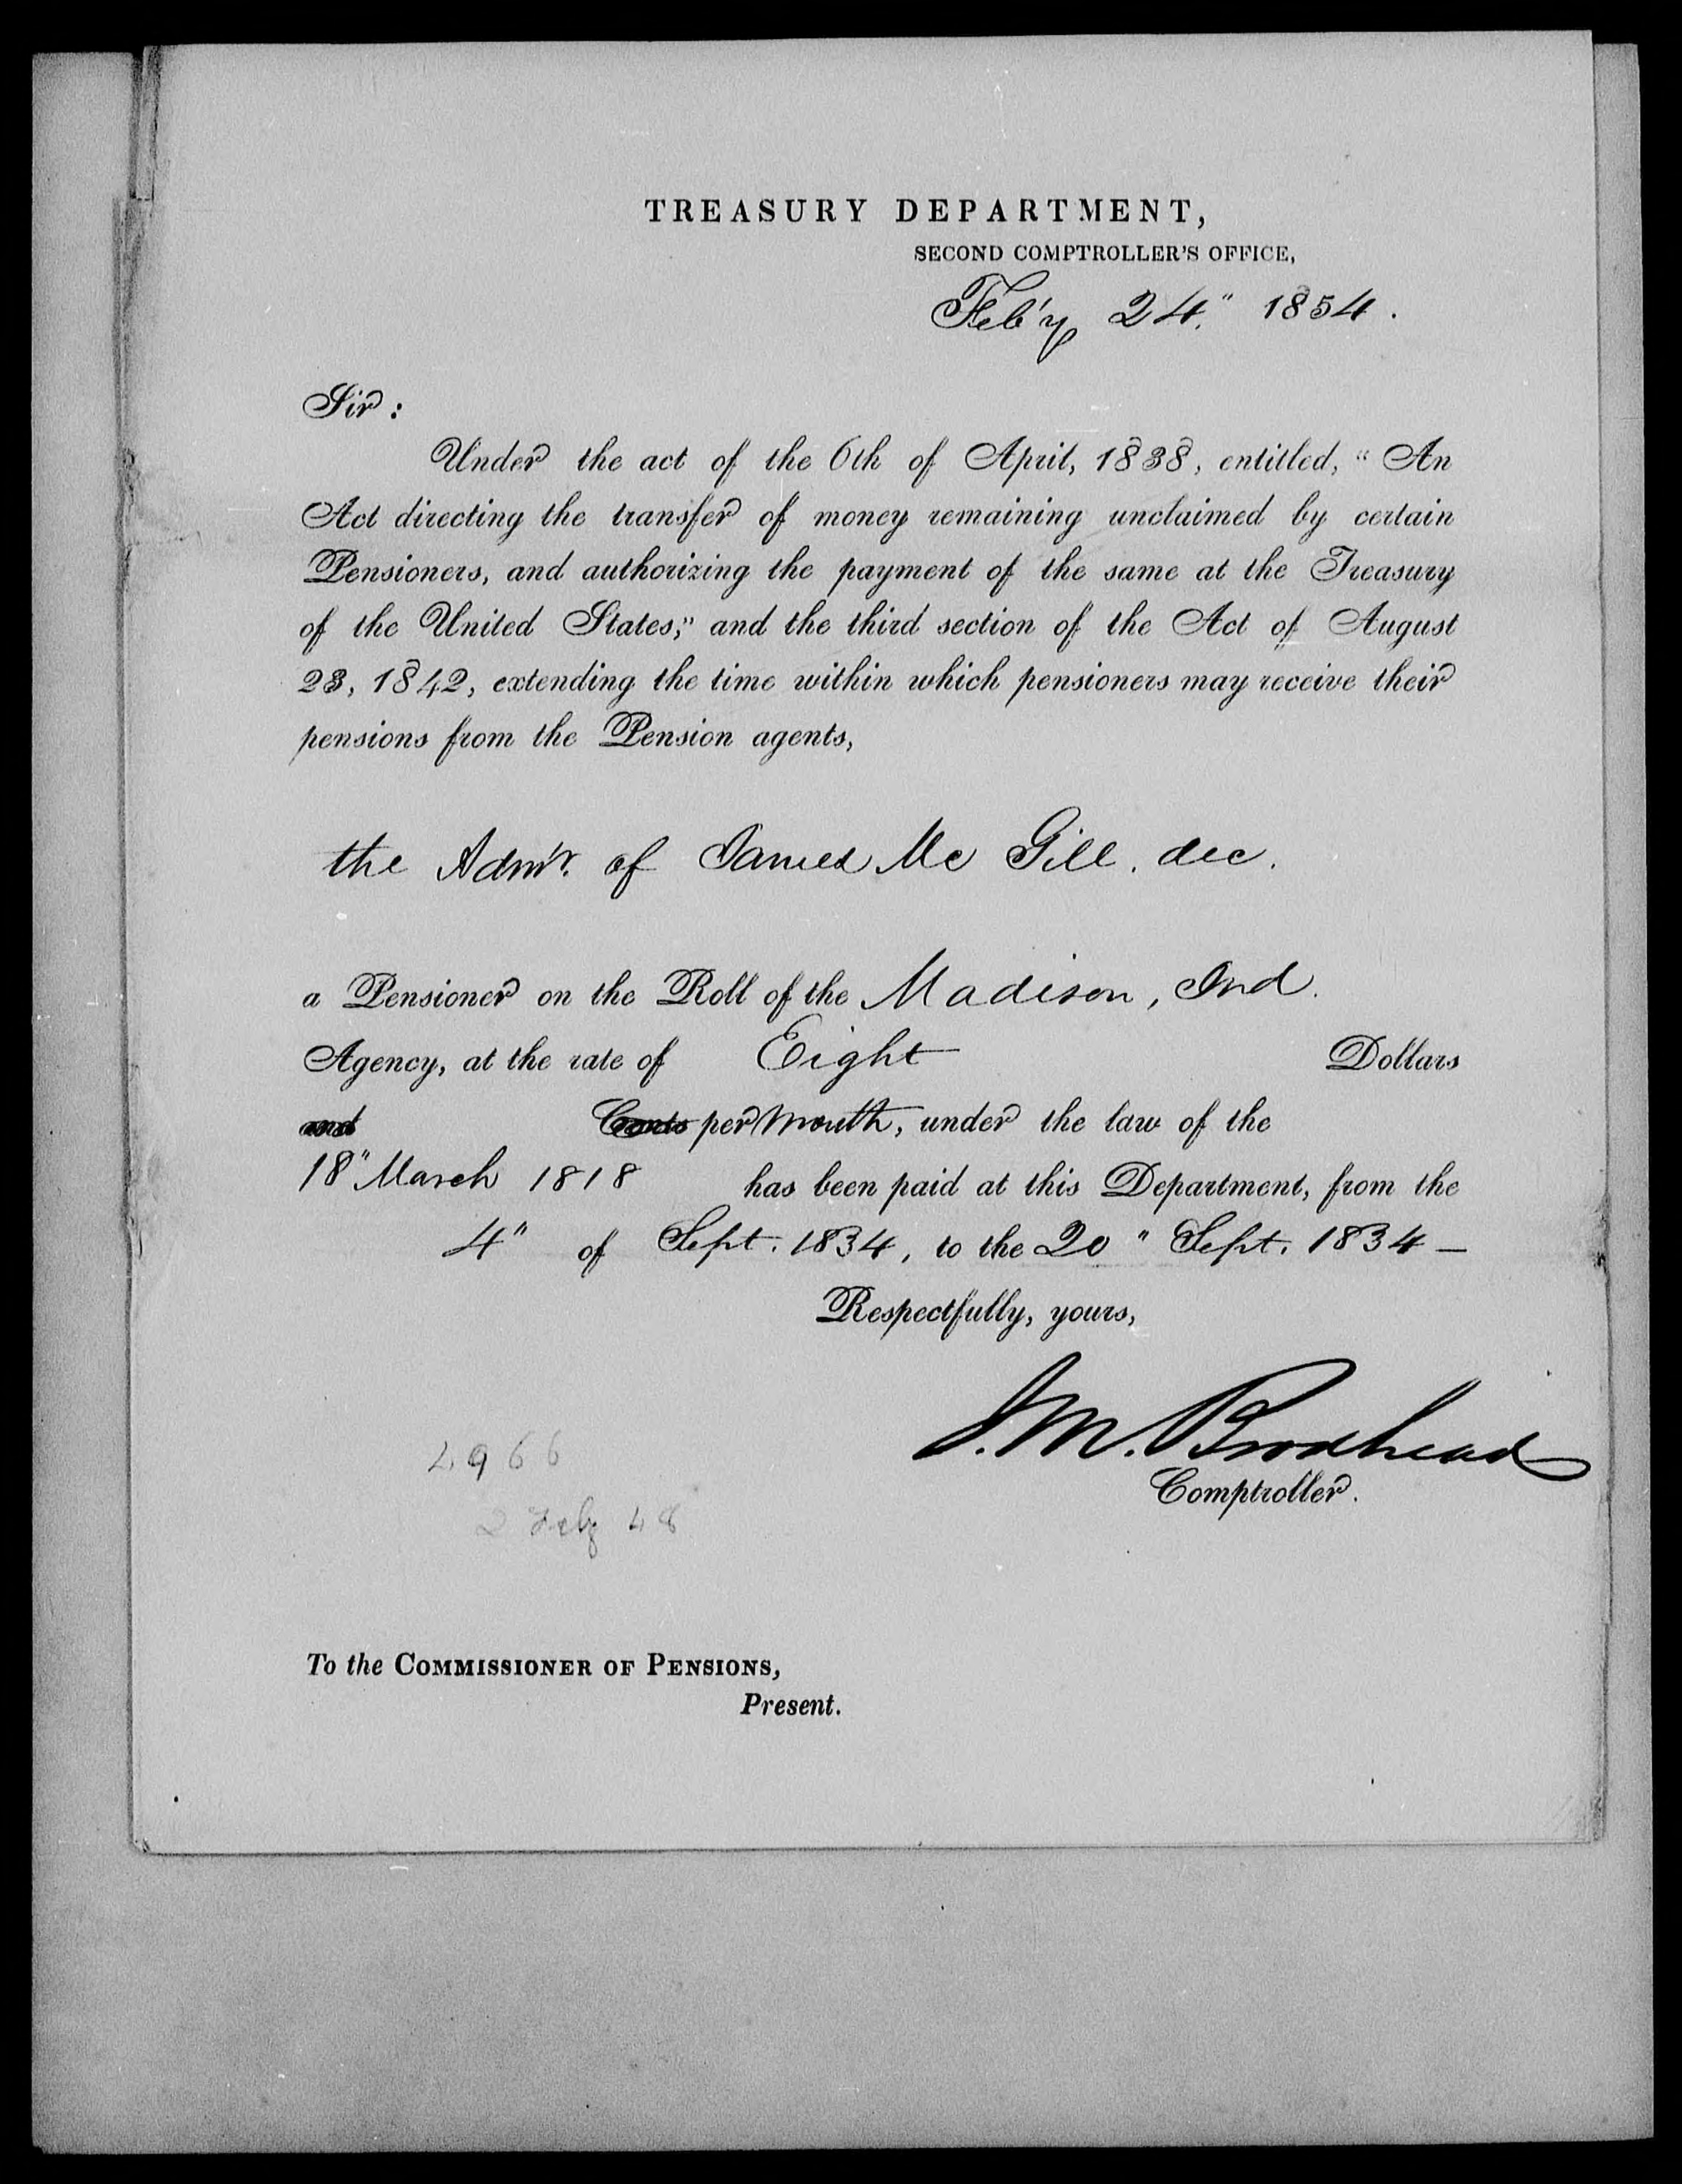Image 82     image      4160873_00082.jpg    
Fold3 File #23857248
[Official Correspondence]

TREASURY DEPARTMENT SECOND COMPROLLER'S OFFICE  
 Feb'y 24, 1854

Sir:  Under the act of the 6th of April 1838, entitled, "An Act directing the transfer of money remaining unclaimed by certain Pensioners, and authorizing the payment of the same at the Treasury of the United States," and the third section of the Act of August 23, 1842, extending the time within which pensioners may receive their pensions from the Pension agents, 
the Adm'r [Administrator] of James McGill, dec. a Pensioner on the Roll of the Madison, Ind. Agency, at the rate of Eight Dollars per month, under the law of the 18" March 1818 has been paid at this Department, from 4" of Sept. 1834, to the 20" Sept. 1834_ 
Respectfully yours, J.M. Brodhead, Comptroller 
2,966 2 Feby 48   
To the Commissioner of Pensions, Present.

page: 24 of 71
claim: widow's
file: W. 8428, for James Mc Gill, Pennsylvania